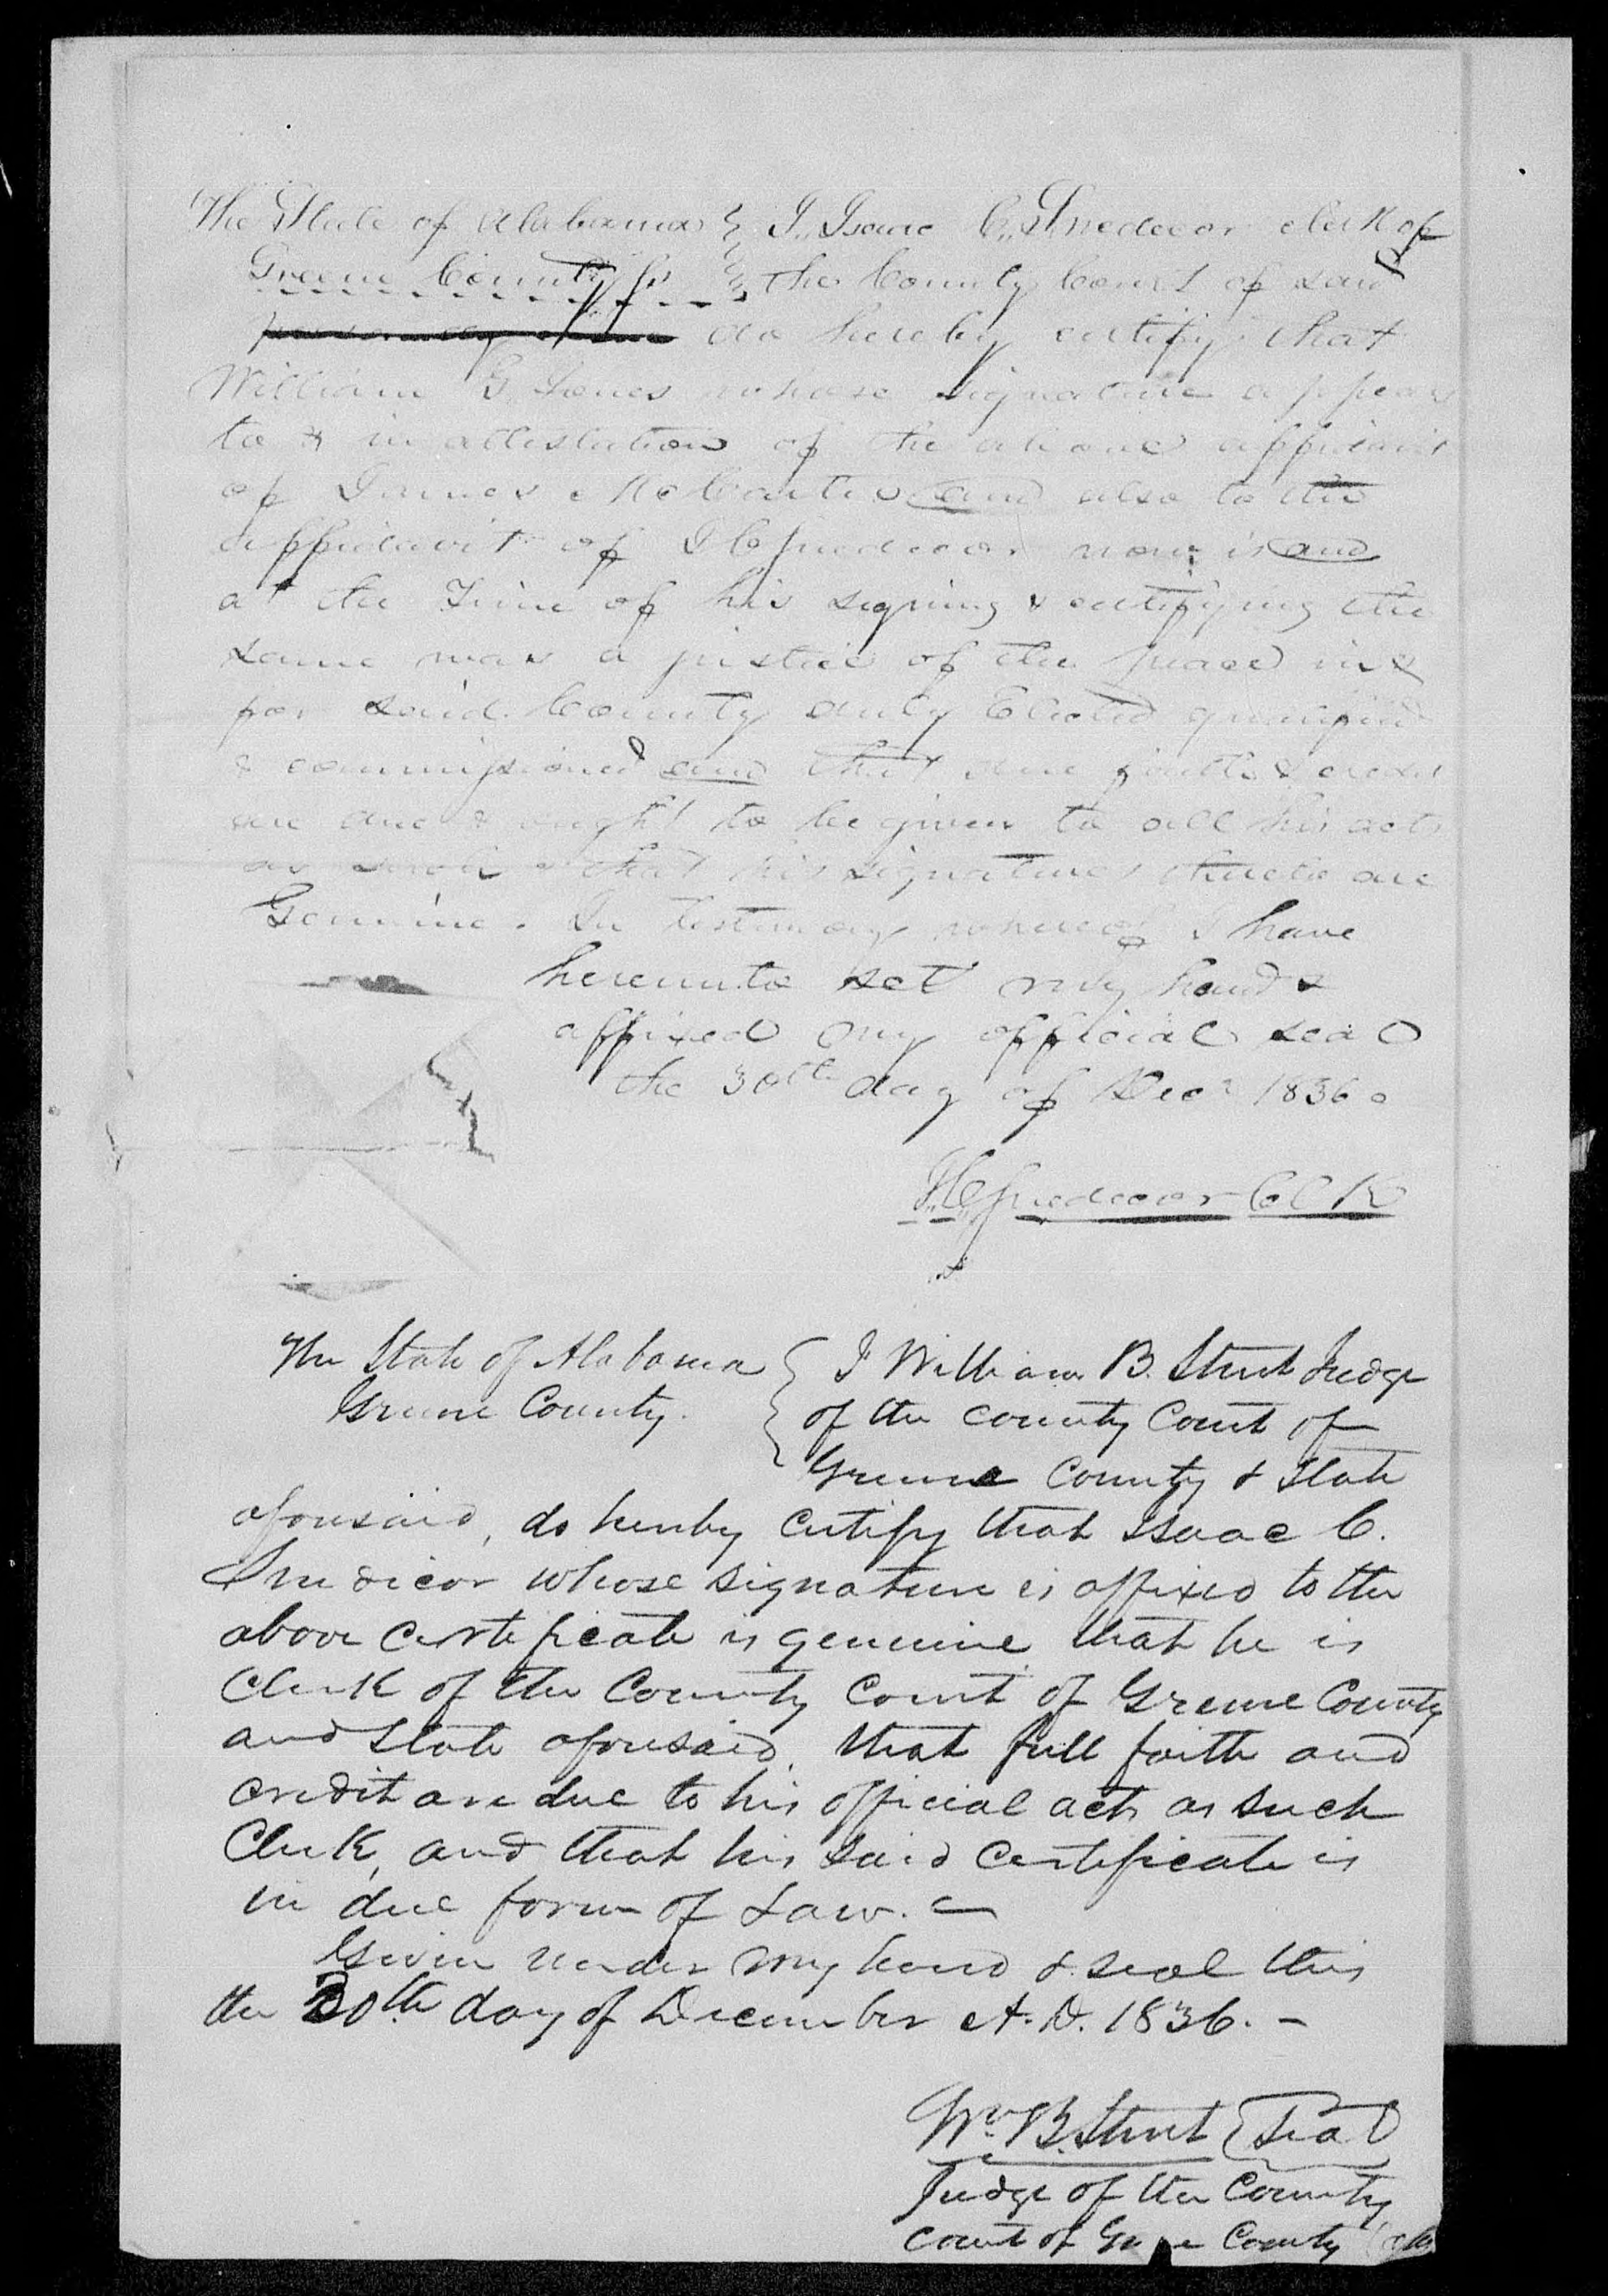The State of Alabama} 
Greene County} I Isaac C. Snedecor clerk of the County Court of said [two crossed out words] 
do hereby certify that William G. Jones whose Signature appear to & in attestation of the above applicant of James McCarter and also to the affidavit of [illegible] now is and at the time of his signing & certifying the same
was a justice of the peace in & for said County duly Elected qualified + commissioned and that due faith & credit are due & ought to be given to all his acts as such + that his signature thereto are Genuine. In testimony whereof I have hereunto set my hand & affixed my official seal of the 4th day of Decr 1836.
I.C. Snedecor Clk

State of Alabama}
Greene County}
I William B. Street Judge of the County Court of Greene County & State aforesaid, do hereby certify that Isaac C. Snedecor whose signature is affixed to the above certificate is genuine that he is Clerk of the County Court of Greene County and State aforesaid, that full faith and
credit are due to his official acts as such Clerk and that his said certificate is in due form of law.
Given under my hand & seal this the 20th day of December A.D. 1836.
W. B. Street Judge of the County Court of Greene County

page: 42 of 45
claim: survivor's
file: S. 13,890, for James Mc Carter, South Carolina